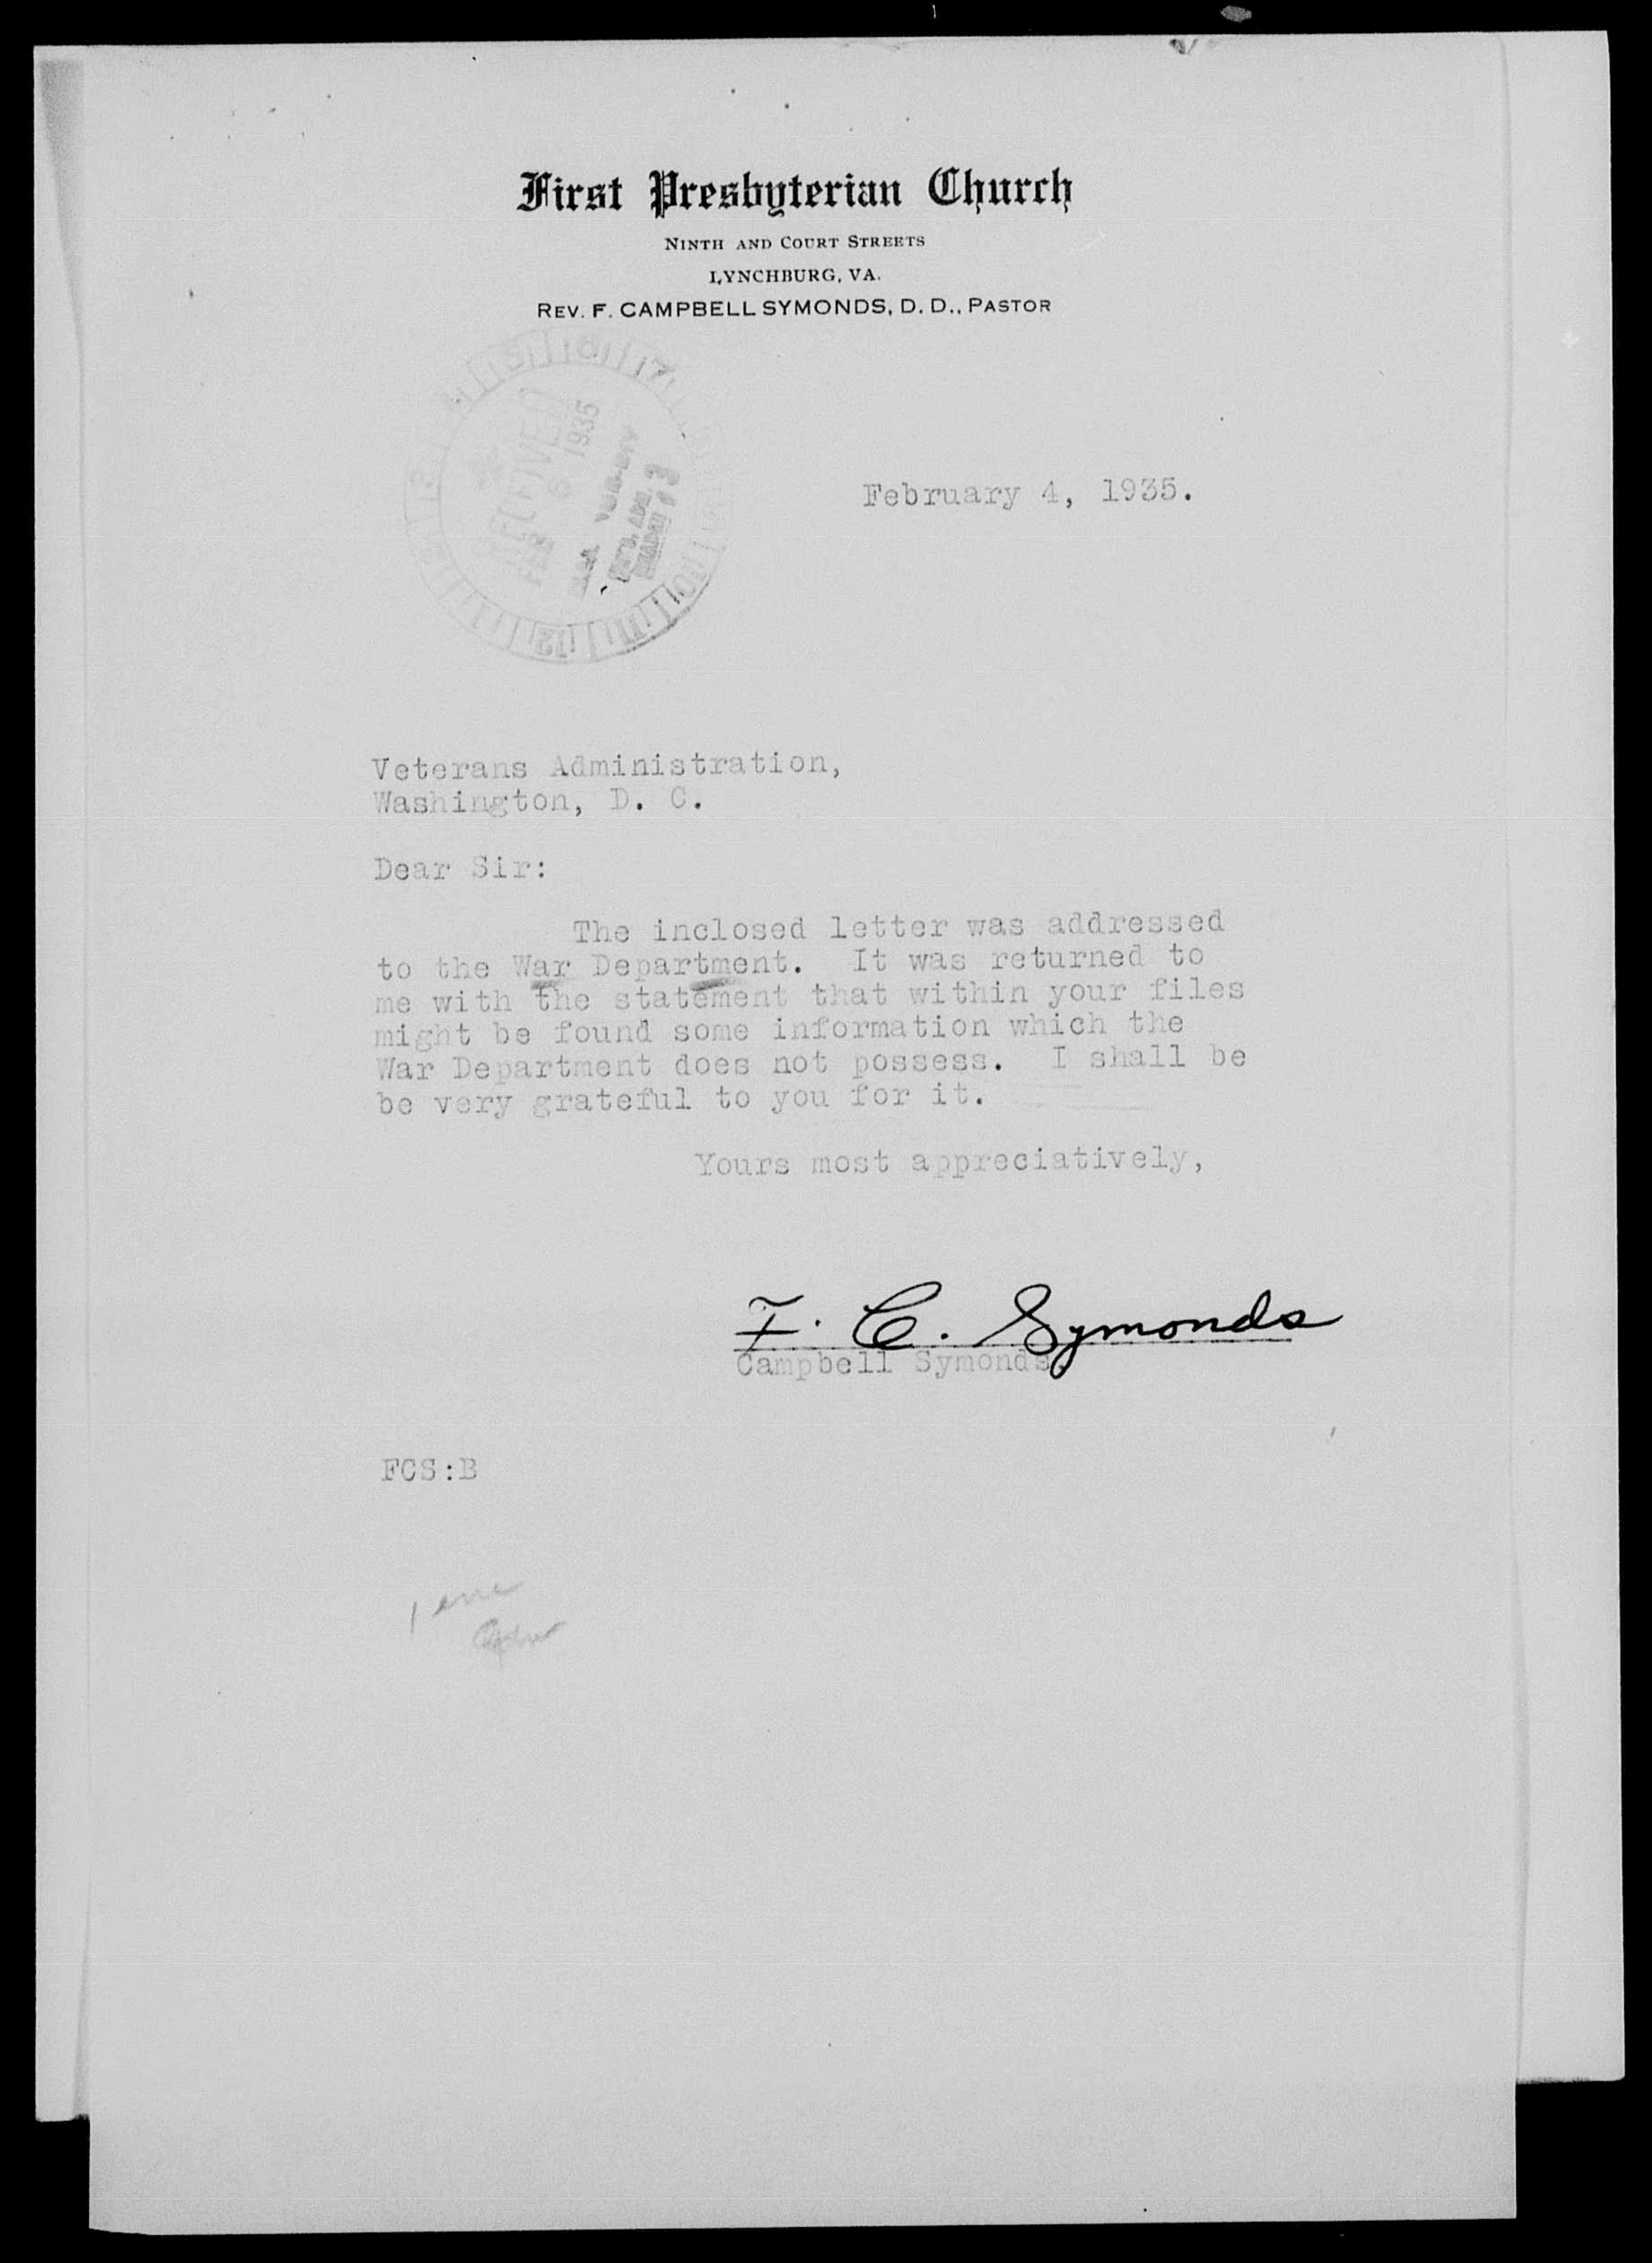First Presbyterian Church
NINTH AND COURT STREETS
LYNCHBURG, Virginia.
Reverend F. CAMPBELL SYMONDS, D. D. PASTOR
February 4, 1935.
Veterans Administration,
Washington, D. C.
Dear Sir:
The inclosed letter was addressed
to the War Department. It was returned to
me with the statement that within your files
might be found some information which the
War Department does not possess. I shall be
be very grateful to you for it.
Yours most appreciatively,
F. C. Symonds
FCS: B.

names: D D Pastor, F Campbell Symonds, F C Symonds, Campbell Symonds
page: 57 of 63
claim: widow's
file: W. 4175, Joseph Davidson, N.C.